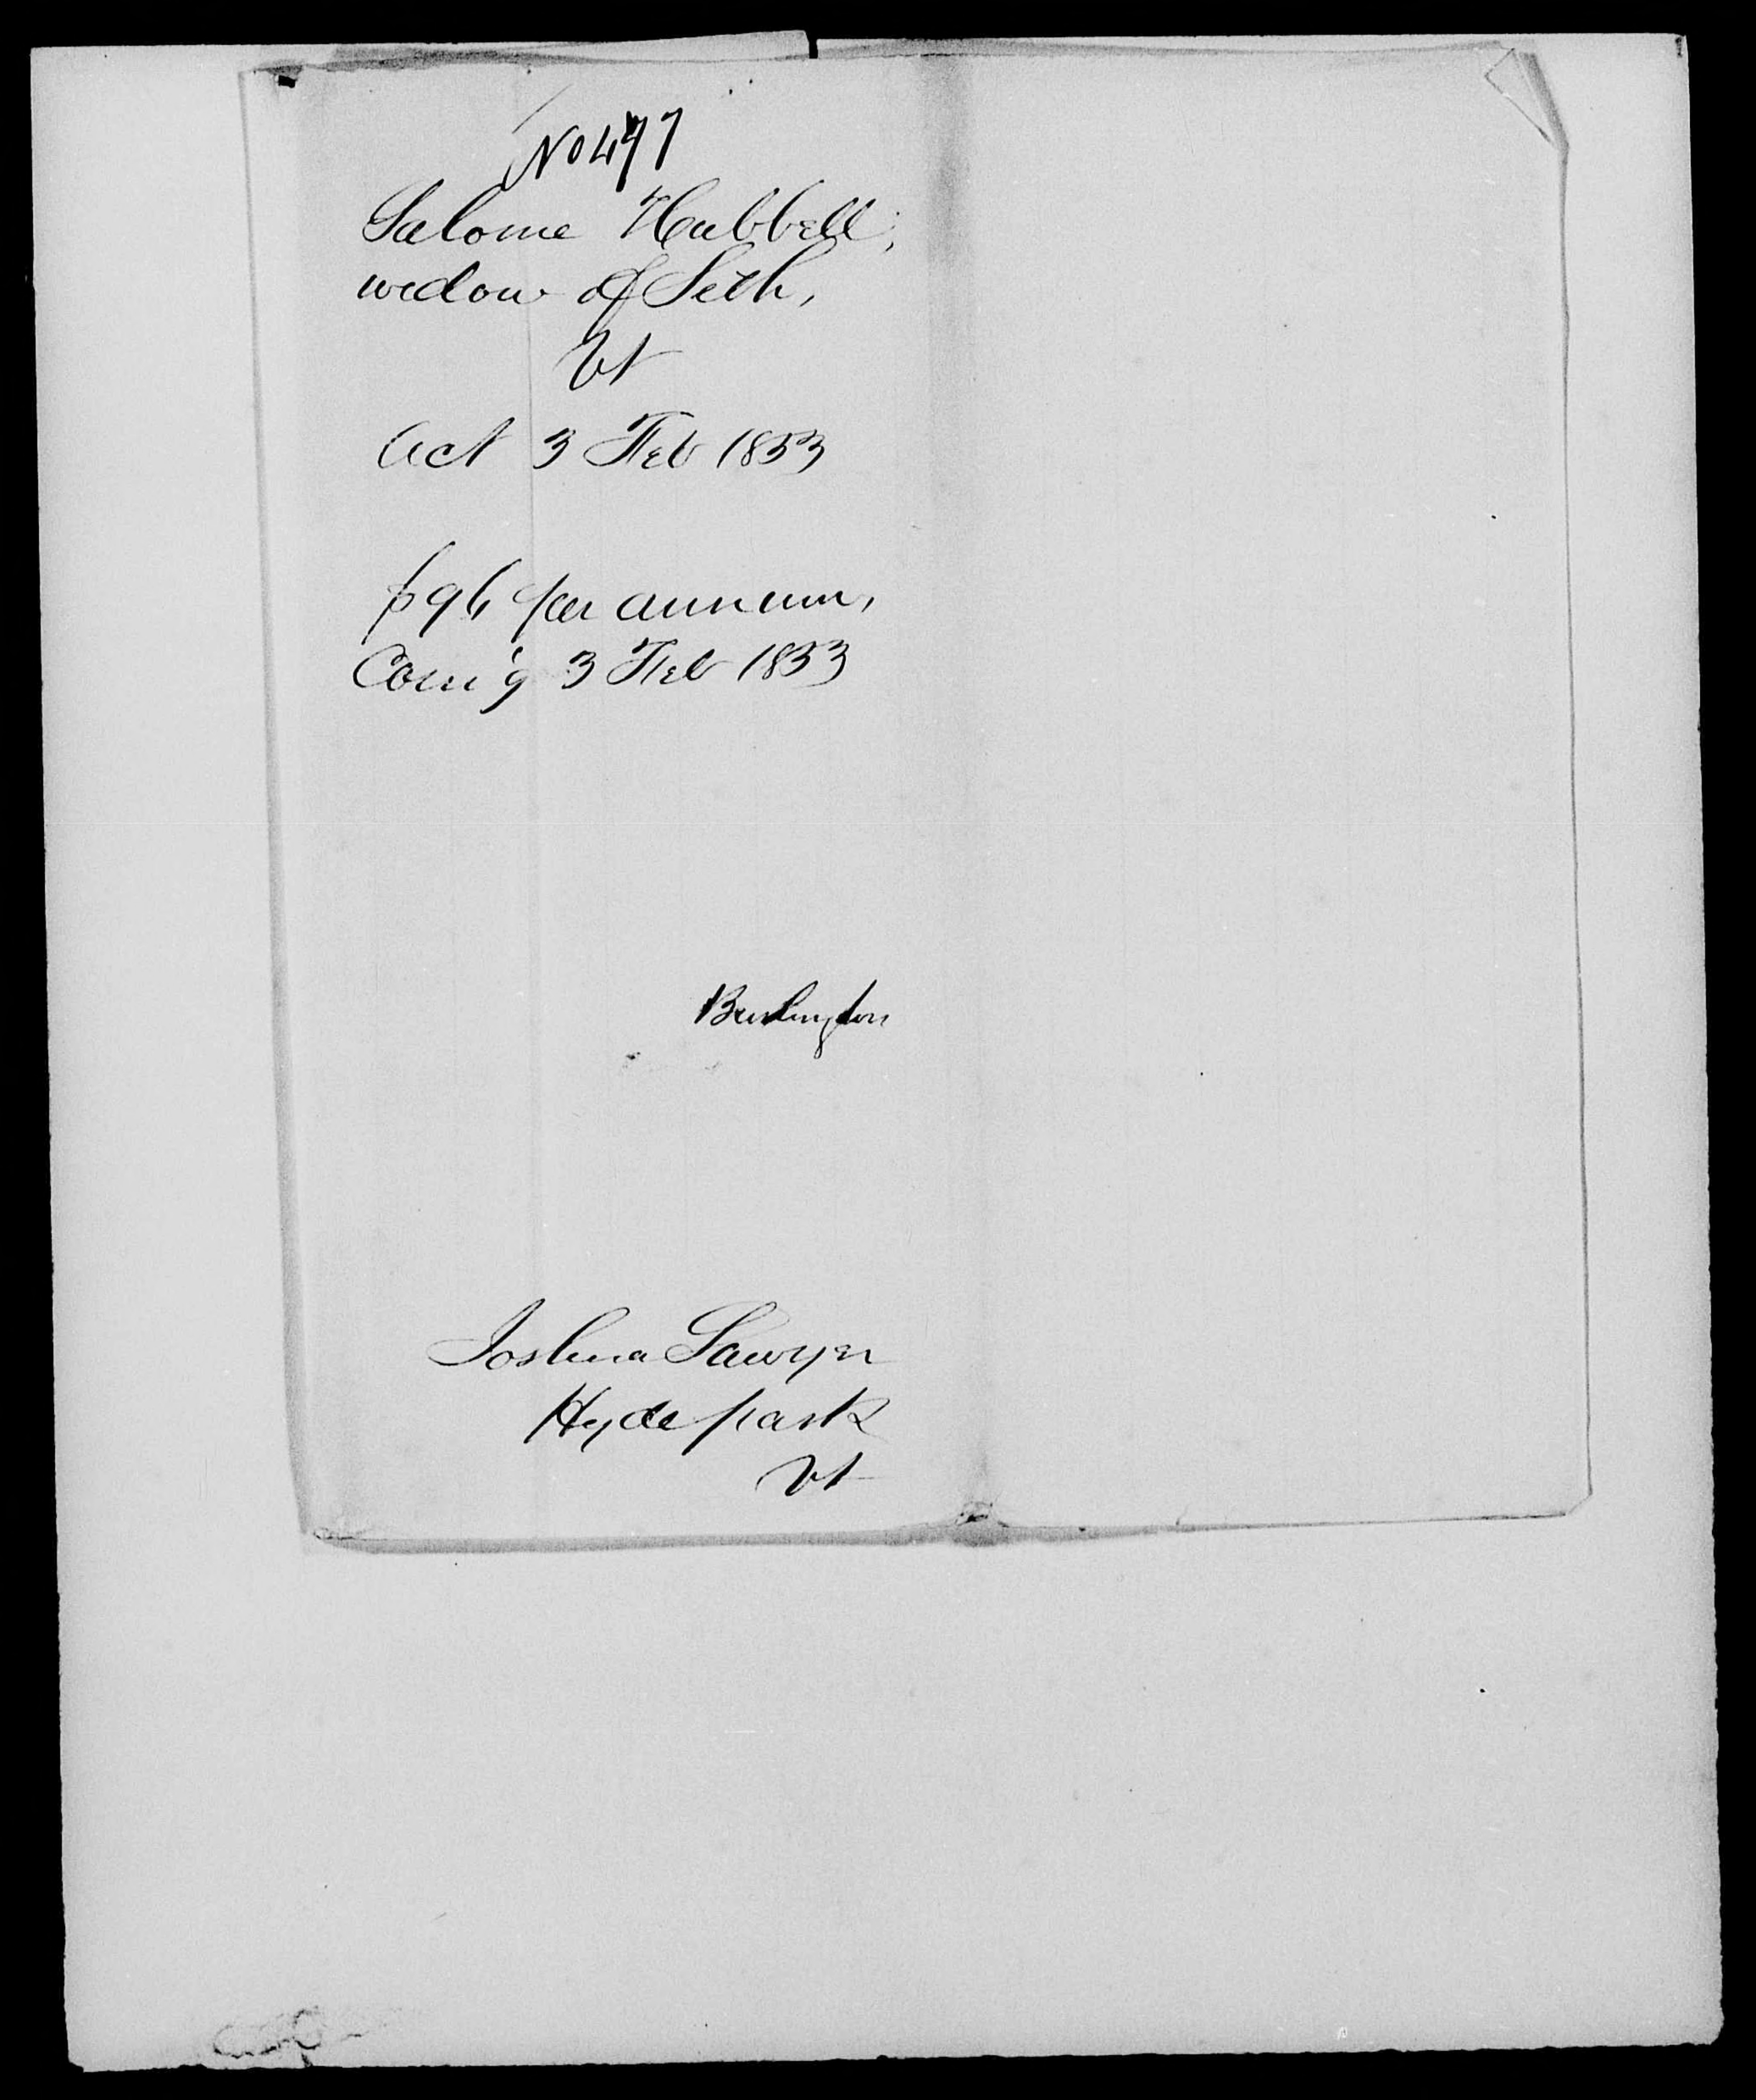No 497
Salome Hubbell
Widow of Seth
Vt. 
Act 3 Feb 1833

p 96 for annum
Cou g {?}  3 Feb 1833
Burlington
Joseph Sawyer
Hyde Park 
Vt.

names: Seth Hubbell, Joshua Sawyer, Salome Hubbell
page: 72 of 114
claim: widow's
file: W. 2115, Seth Hubbell, Conn.